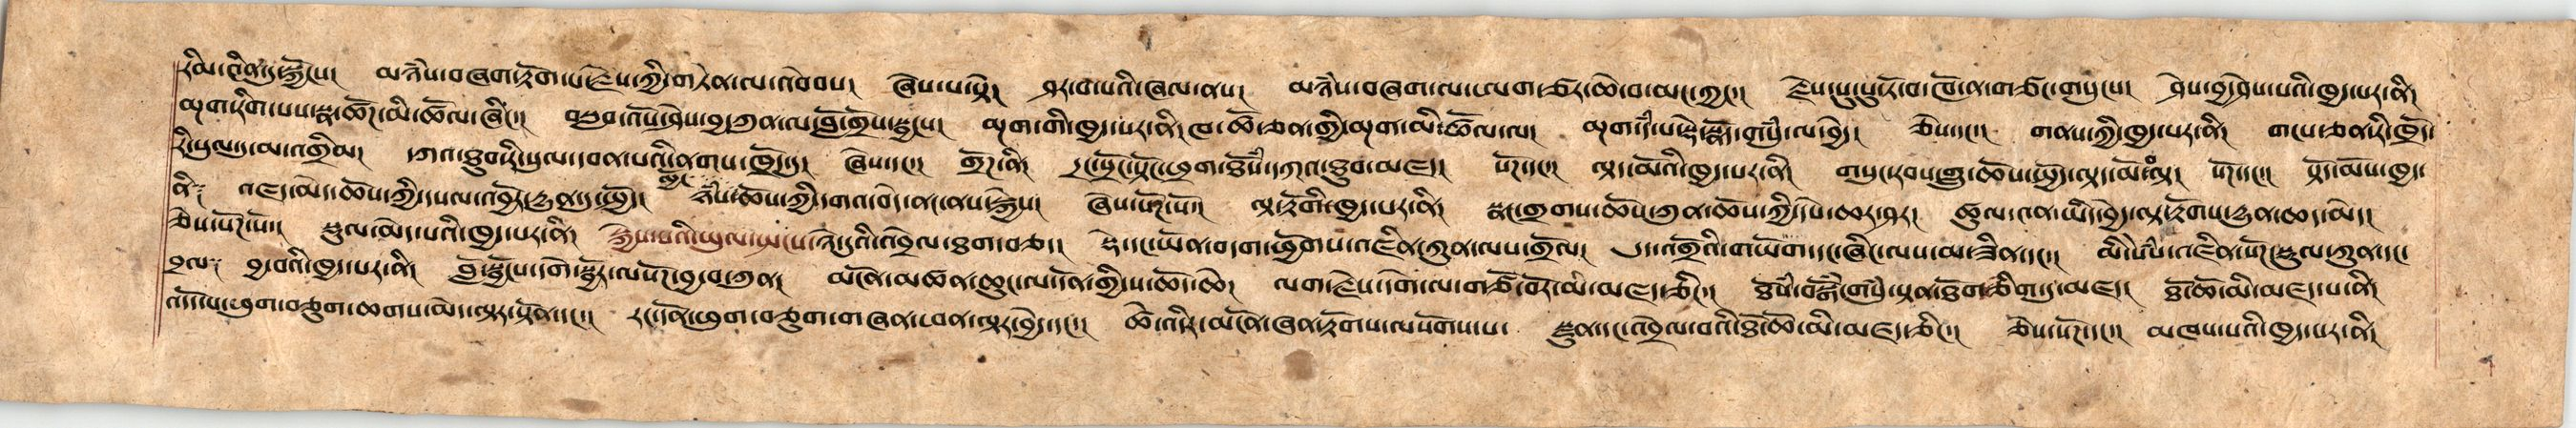རིམ་༤ིན་དུ་སྐྱོངས། མཉཾས་བཞག་རྟོག་པ་་རྗེས་ཀྱི་གཏན་ལ་འབེབས། ཞེས་པ་སྟེ། ཤར་བ་པའི་ཞལ་ནས། མཉཾས་བཞག་ལ་ཨག་ཙར་ཆེ་བ་མང་ཀྱང་། རྗེས་སུ་སུ་ཏོ་བ་ཁོ་ན་གཙང་གསུངས། ཤེས་བྱ་ཤེས་པའི་ཁྱད་པར་ནི།
མྔག་རིག་པས་སྣ་ཚོཌ་མི་ཆོལ་ཞིང་། བསླབ་འོས་ཤེས་བྱ་ཀུན་ལ་བློ་གྲོས་སྦྱངས་། མྔག་གི་ཁྱད་པར་ནི་ཁ་ཚོ་ཅན་གྱི་མྔག་མི་ཚོལ་ལ། མྔག་དཾ་པ་སྡེ་སྣོད་གསུཾ་ལ་བྱེད། ཅེས་དང་། གནས་ཀྱི་ཁྱད་པར་ནི། གངས་ཅན་རི་ཁྲོད་
རི་སུལ་དུ་མ་འགྲིམ། དཀའ་ཐུབ་རི་སུལ་བན་པའི་ནགས་ཁྲོད་དུ། ཞེས་དང་། གྲོཌ་ནི། དྲང་སྲོང་སྟོང་ཕྲག་ཐོཾས་དཀའ་ཐུབ་མཛད། སོཌ་དང་། ལྟད་མོའི་ཁྱད་པར་ནི། གསུང་རབས་གླུ་ཆོས་སྤྱོད་ལྟད་མོ་བལྟ། སོཌ་དང་། སྟོད་མོས་ཁྱད་
ནི༑ འཛད་མེད་ཆོས་ཀྱི་དཔལ་འབྱོར་རྒྱུན་དུ་སྤྱོད། ཉཾས་མྱོང་ཆོས་ཀྱི་དགའ་བདེ་ནང་ནས་སྐྱེས། ཞེས་སོཌ་སོ་། ལྟ་རྟོགི་ཁྱད་པར་ནི། སྣང་གྲགས་ཆོས་ཀུན་ཆོས་ཀྱི་དཔེ་ཆར་ཤར། ཚུལ་༤ན་ཡིད་བྱེད་ལྟ་རྟོགས་དྱུན་ཆད་མེད་།
ཅེས་སོཌ་སོ་། སྡུལ་མེད་པའི་ཁྱད་པར་ནི། སྐྱེས་པའི་ཡུལ་སྤངས་ཉེ་དུའི་འབྲེལ་ཐག་བཅད། སྡེ་དང་ཡོན་བདག་ཕྱོགས་འཛིན་ཀུན་ལས་གྲོལ། དུད་འགྲོའི་གཡོག་དང་ཞིང་ལས་མ་ཟིན་དང་། མི་སེཾས་འཛིན་སོཌ་སྡུལ་ཀུན་དང་
བྲལ༑ བྱ་བའི་ཁྱད་པར་ནི། བློ་སྦྱོངས་དགེ་སྦྱོར་ལསོཌ་བྱ་བ་ཀུན། མངོན་མཚན་ཆུང་ལ་དོན་གྱི་ས་ཆོད་ཆེ། ལག་རྗེས་དགེ་ལ་གཙོ་བོར་མི་མཛད་ཅིང་། ཐོསཾ་བསྒོཾ་གསུཾ་སྟན་ཐོགཅིག་དུ་མཛད། ཐོ་ཆོ་མི་མཛད་པ་ནི
འདོད་པ་ཕུག་བཅུག་ཆགས་མེད་ལྟར་སྟོན་དང་། རང་དོན་ཕུག་བཅུག་གཞན་ཕན་ལྟར་བྱེད་དང་། ཚེ་འདིར་མངོན་ཞན་རྟོགས་ལ་སོགས་པ། སྫུན་དང་འབྲེལ་བའི་ཐོ་ཅོ་མི་མཛད་ཅིང་། ཅེས་སོཌ་དང་། མཁས་པའི་ཁྱད་པར་ནི།